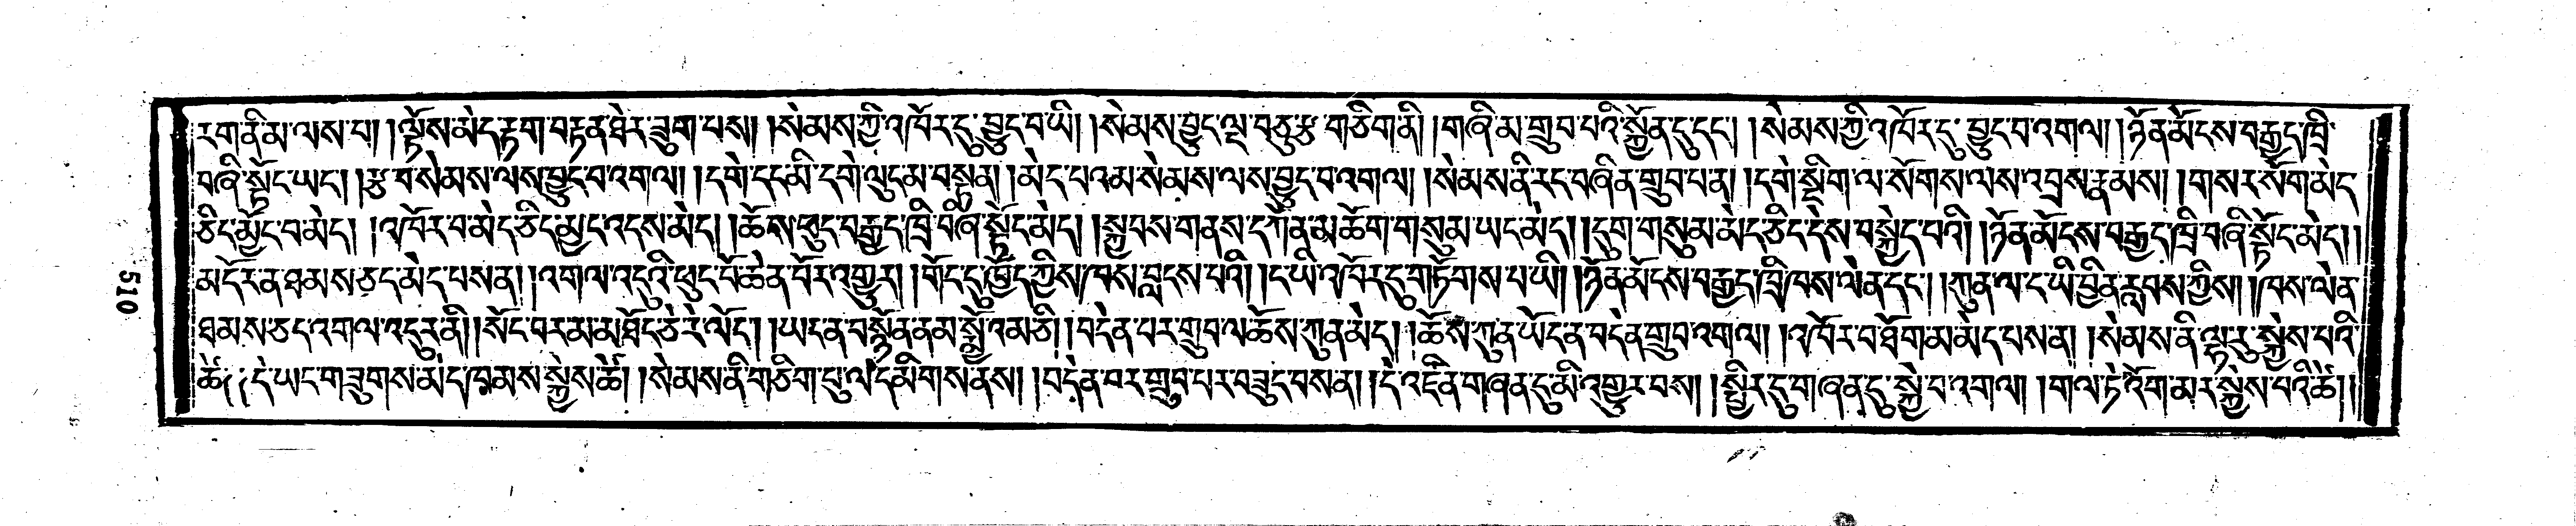རག་ནི་མ་ལས་པ། །ལྟོས་མེད་རྟག་བརྟན་ཐེར་ཟུག་པས། །སེམས་ཀྱི་འཁོར་དུ་བྱུང་བ་ཡི། །སེམས་བྱུང་ལྔ་བཅུ་རྩ་གཅིག་ནི། །གཞི་མ་གྲུབ་པའི་སྐྱོན་དུ་དང་། །སེམས་ཀྱི་འཁོར་དུ་བྱུང་བ་འགལ། །ཉོན་མོངས་བརྒྱད་ཁྲི་
བཞི་སྟོང་ཡང་། །རྩ་བ་སེམས་ལས་བྱུང་བ་འགལ། །དགེ་དང་མི་དགེ་ལུང་མ་བསྟན། །མེད་པའང་སེམས་ལས་བྱུང་བ་འགལ། །སེམས་ནི་རང་བཞིན་གྲུབ་པ་ན། །དགེ་སྡིག་ལ་སོགས་ལས་འབྲས་རྣམས། །གསར་སོག་མེད་
ཅིང་མྱོང་བ་མེད། །འཁོར་བ་མེད་ཅིང་མྱང་འདས་མེད། །ཆོས་ཕུང་བརྒྱད་ཁྲི་བཞི་སྟོང་མེད། །སྐྱབས་གནས་དཀོན་མཆོག་གསུམ་ཡང་མེད། །དུག་གསུམ་མེད་ཅིང་དེས་བསྐྱེད་པའི། །ཉོན་མོངས་བརྒྱད་ཁྲི་བཞི་སྟོང་མེད།།
མདོར་ན་ཐམས་ཅད་མེད་པས་ན། །འགལ་འདུའི་ཕུང་པོ་ཆེན་པོར་འགྱུར། །གོང་དུ་ཁྱོད་ཀྱིས་ཁས་བླངས་པའི། །ང་ཡི་འཁོར་དུ་གཏོགས་པ་ཡི། །ཉོན་མོངས་བརྒྱད་ཁྲི་ཁས་ལེན་དང་། །ཀུན་ལ་ང་ཡི་བྱིན་རླབས་ཀྱིས། །ཁས་ལེན་
ཐམས་ཅད་འགལ་འདུར་ནི། །སོང་བར་མ་མཐོང་ཅེ་རེ་ལོང་། །ཡང་ན་བསྙོན་ནམ་སྨྱོ་འམ་ཅི། །བདེན་པར་གྲུབ་ལ་ཆོས་ཀུན་མེད། །ཆོས་ཀུན་ཡོད་ན་བདེན་གྲུབ་འགལ། །འཁོར་བ་ཐོག་མ་མེད་པས་ན། །སེམས་ནི་ལྷ་རུ་སྐྱེས་པའི་
ཚེ༑ ༑དེ་ཡང་གཟུགས་མེད་ཁམས་སྐྱེས་ཚེ། །སེམས་ནི་གཅིག་པུ་ལ་དམིགས་ནས། །བདེན་པར་གྲུབ་པར་བཟུང་བས་ན། །དེ་འཛིན་གཞན་དུ་མི་འགྱུར་བས། །སྤྱིར་དུ་གཞན་དུ་སྐྱེ་བ་འགལ། །གལ་ཏེ་འོག་མར་སྐྱེས་པའི་ཚེ།།